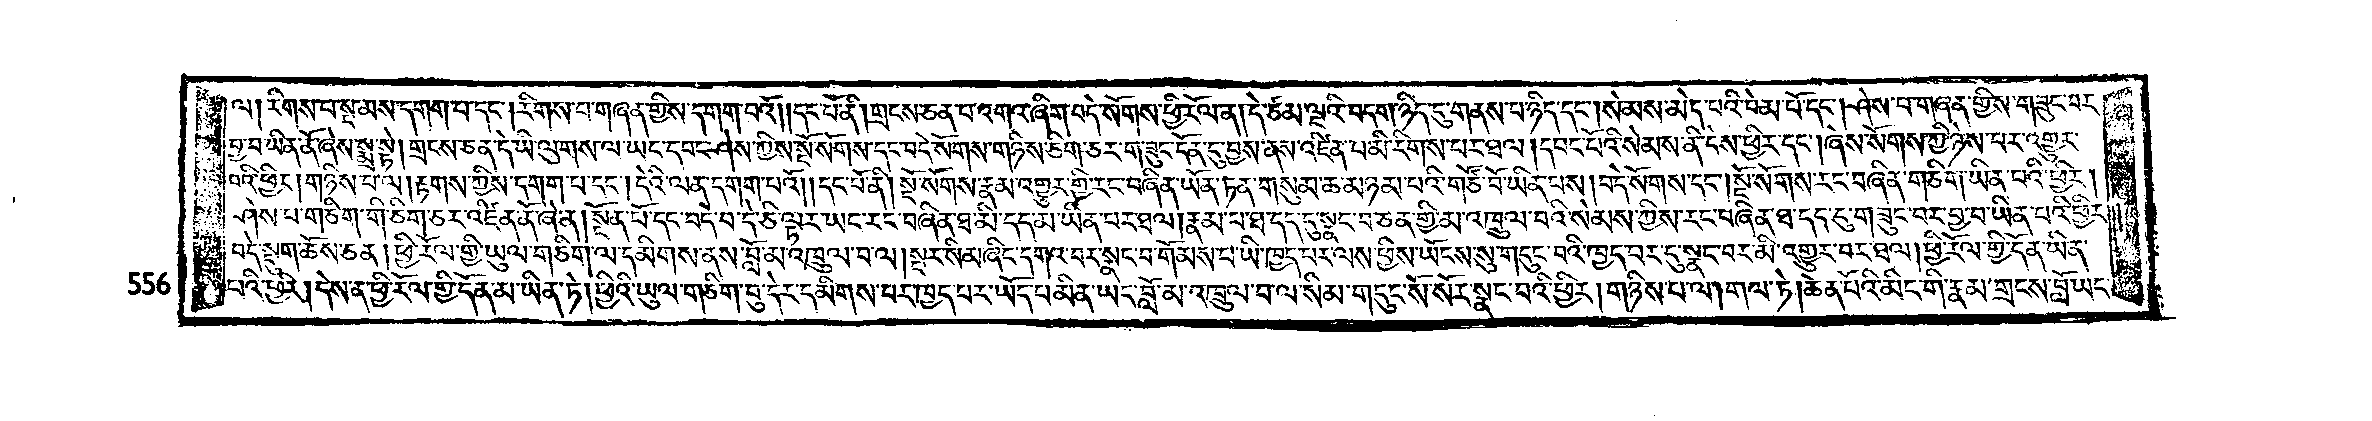ལ། རིགས་པ་སྔ་མས་དགག་པ་དང་། རིགས་པ་གཞན་གྱིས་དགག་པའོ། །དང་པོ་ནི། གྲངས་ཅན་པ་འགའ་ཞིག་བདེ་སོགས་ཕྱི་རོལ་ན། དེ་ཙམ་ལྔའི་བདག་ཉིད་དུ་གནས་པ་ཉིད་དང་། སེམས་མེད་པའི་བེམ་པོ་དང་། ཤེས་པ་གཞན་གྱིས་གཟུང་བར་
བྱ་བ་ཡིན་ནོ་ཞེས་སྨྲ་སྟེ། གྲངས་ཅན་དེ་ཡི་ལུགས་ལ་ཡང་དབང་ཤེས་ཀྱིས་སྔོ་སོགས་དང་བདེ་སོགས་གཉིས་ཅིག་ཅར་ག་ཟུང་དོན་དུ་བྱས་ནས་འཛིན་པ་མི་རིགས་པར་ཐལ། དབང་པོའི་སེམས་ནི་ངེས་ཕྱིར་དང་། ཞེས་སོགས་ཀྱི་ཉེས་པར་འགྱུར་
བའི་ཕྱིར། གཉིས་པ་ལ། རྟགས་ཀྱིས་དགག་པ་དང་། དེའི་ལན་དགག་པའོ། །དང་པོ་ནི། སྔོ་སོགས་རྣམ་འགྱུར་གྱི་རང་བཞིན་ཡོན་ཏན་གསུམ་ཆ་མཉམ་པའི་གཙོ་བོ་ཡིན་པས། བདེ་སོགས་དང་། སྔོ་སོགས་རང་བཞིན་གཅིག་ཡིན་པའི་ཕྱིར།
ཤེས་པ་གཅིག་གི་ཅིག་ཅར་འཛིན་ནོ་ཞེ་ན། སྔོན་པོ་དང་བདེ་བ་དེ་ཅི་ལྟར་ཡང་རང་བཞིན་ཐ་མི་དད་མ་ཡིན་པར་ཐལ། རྣམ་པ་ཐ་དད་དུ་སྣང་བ་ཙམ་གྱི་མ་འཁྲུལ་བའི་སེམས་ཀྱིས་རང་བཞིན་ཐ་དད་དུ་གཟུང་བར་བྱ་བ་ཡིན་པའི་ཕྱིར།
བདེ་སྡུག་ཆོས་ཅན། ཕྱི་རོལ་གྱི་ཡུལ་གཅིག་ལ་དམིགས་ནས་བློ་མ་འཁྲུལ་བ་ལ། སྔར་སིམ་ཞིང་དགའ་བར་སྨང་བ་གོམས་པ་ཡི་ཁྱད་པར་ལས་ཕྱིས་ཡོངས་སུ་གདུང་བའི་ཁྱད་པར་དུ་སྣང་བར་མི་འགྱུར་བར་ཐལ། ཕྱི་རོལ་གྱི་དོན་ཡིན་
པའི་ཕྱིར། དེས་ན་ཕྱི་རོལ་གྱི་དོན་མ་ཡིན་ཏེ། ཕྱིའི་ཡུལ་གཅིག་བུ་དེར་དམིགས་པར་ཁྱད་པར་ཡོད་པ་མིན་ཡང་བློ་མ་འཁྲུལ་བ་ལ་སིམ་གདུང་སོ་སོར་སྣང་བའི་ཕྱིར། གཉིས་པ་ལ། གལ་ཏེ། ཆེན་པོའི་མིང་གི་རྣམ་གྲངས་བློ་ཡང་